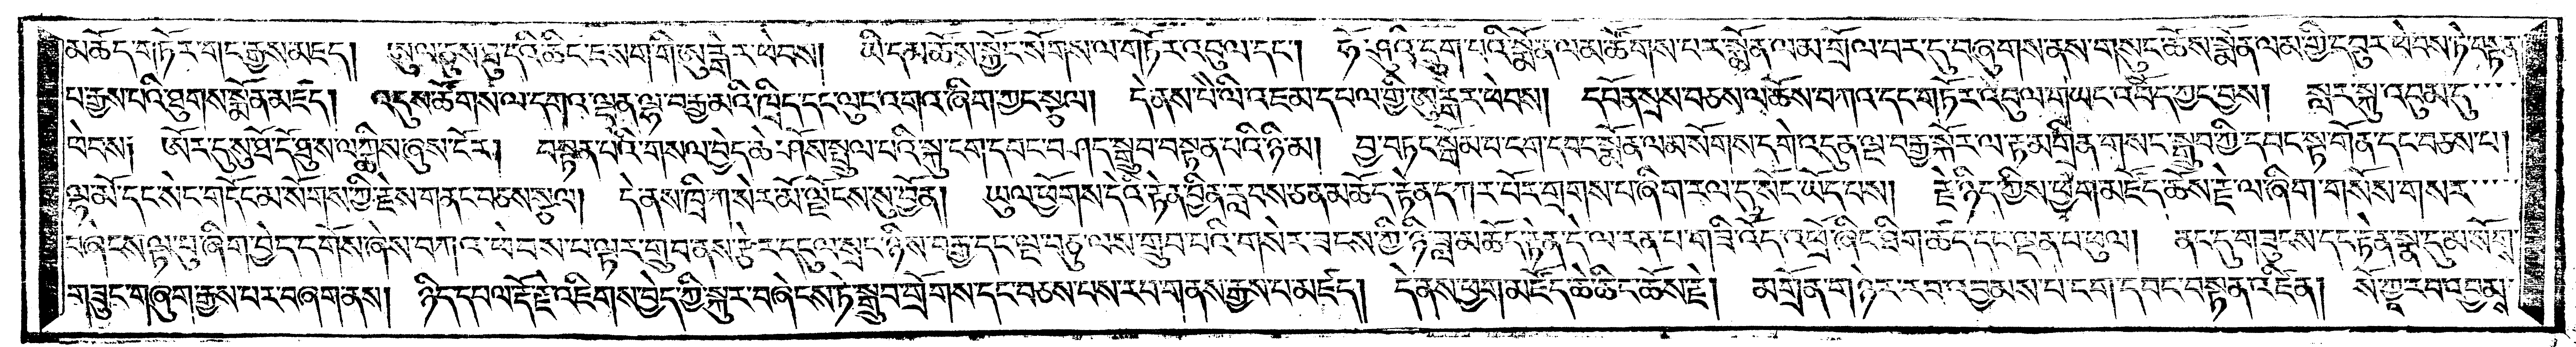མཆོད་གཏོར་གང་རྒྱས་མཛད། ཨུལ་ཅུས་ཐུ་དའི་ཆིང་ཇ་སག་གི་ཨུ་རྒེར་ཕེབས། ཡིད་མཆོས་སྐྱོང་སོགས་ལ་གཏོར་འབུལ་དང་། ཧོ་ཤུའི་དྲུག་པའི་སྨོན་ལམ་ཆོགས་པར་སྨོན་ལམ་གྲོལ་བར་དུ་བཞུགས་ནས་གསུང་ཆོས་སྨོན་ལམ་གྱི་དབུར་ཕེབས་ཏེ་བསྟན་
པ་རྒྱས་པའི་ཐུགས་སྨོན་མཛད། འདུས་ཚོགས་ལ་དགའ་ལྡན་ལྷ་བརྒྱ་མའི་ཁྲིད་དང་ལུང་འགའ་ཞིག་ཀྱང་སྩལ། དེ་ནས་པཻ་ལི་འཇམ་དཔལ་གྱི་ཨུརྒེར་ཕེབས། དཔོན་སྲས་བཅས་ལ་ཆོས་བཀའ་དང་གཏོང་འབུལ་གཡང་འབོད་ཀྱང་བྱས། སླར་སྐུ་འབུམ་དུ་
ཕེབས། ཨོར་དུ་སུ་ཐོ་དོ་ཐུས་ལཀྖིས་ཞུས་ངོར། བསྟན་པའི་གསལ་བྱེད་ཚེ་ཤོས་སྥྲུལ་པའི་སྐུ་ངག་དབང་བཤད་སྒྲུབ་བསྟན་པའི་ཉི་མ། བྱ་བཏང་སྒོམ་པ་ངག་དབང་སྨོན་ལམ་སོགས་དགེ་འདུན་ལྔ་བརྒྱ་སྐོར་ལ་རྟ་མགྲིན་གསང་སྒྲུབ་ཀྱི་དབང་སྟ་གོན་དང་བཅས་པ།
ལྷ་མོ་དང་སེང་གདོང་མ་སོགས་ཀྱི་རྗེས་གནང་བཅས་སྩལ། དེ་ནས་ཁྲི་ཀ་སེར་མོ་ལྗོངས་སུ་བྱོན། ཡུལ་ཕྱོགས་དེའི་རྟེན་བྱིན་རླབས་ཅན་མཆོད་རྟེན་དཀར་པོར་གྲགས་པ་ཞིག་རལ་དུ་སོང་ཡོད་པས། རྗེ་ཉིད་ཀྱིས་ཕྱག་མཛོད་ཆོས་རྗེ་ལ་ཞིག་གསོས་གསར་
བཞེངས་ལྟ་བུ་ཞིག་བྱེད་དགོས་ཞེས་བཀའ་ཕེབས་པ་ལྟར་གྲུབ་ནས་རྩེར་དངུལ་སྲང་ཉིས་བརྒྱ་དང་ལྔ་བཅུ་ལས་གྲུབ་པའི་གསེར་ཟངས་ཀྱི་ཉི་ཟླ་མཆོད་རྟེན་དེ་ལ་རན་པ་གཟི་འོད་འཕྲོ་ཞིང་ཐིག་ཚད་དང་ལྡན་པ་ཕུལ། ནང་དུ་གཟུངས་དང་རྟེན་སྣ་དུ་མ་སོགས་
གཟུང་གཞུག་རྒྱས་པར་བཞག་ནས། ཉིད་དཔལ་རྡོ་རྗེ་འཇིགས་བྱེད་ཀྱི་སྐུར་བཞེངས་ཏེ་སྒྲུབ་གྲོགས་དང་བཅས་པས་རབ་གནས་རྒྱས་པ་མཛད། དེ་ནས་ཕྱག་མཛོད་ཆེ་ཆིང་ཆོས་རྗེ། མགྲོན་གཉེར་རབ་འབྱམས་པ་ངག་དབང་བསྟན་འཛིན། སོ་ཀྱཱ་རབ་འབྱམས་